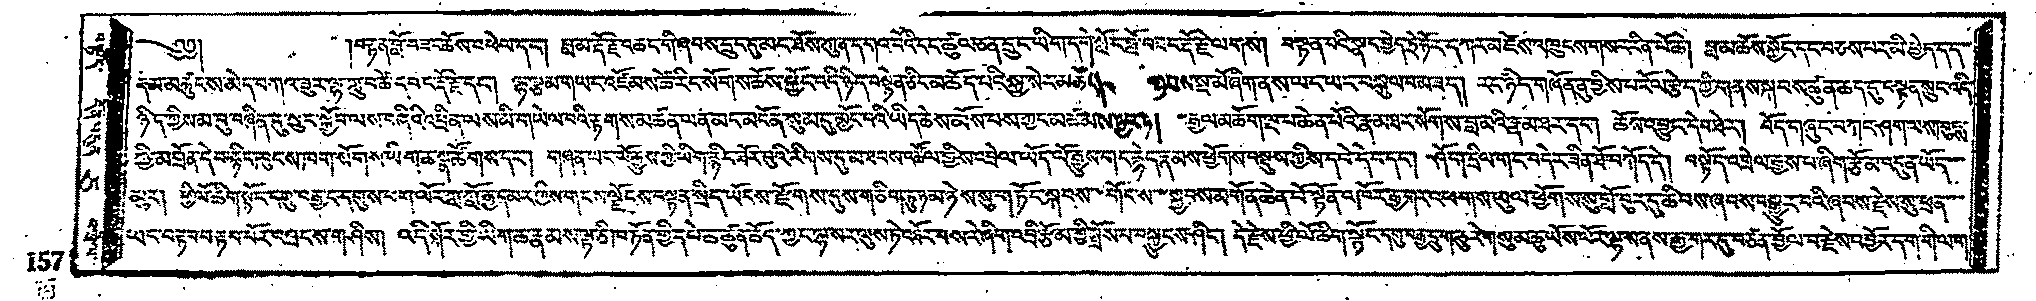༄༅། །བརྟན་བློ་བཟང་ཆོས་འཕེལ་དང་། བླ་མ་རྡོ་རྗེ་འཆང་གི་ཞབས་དྲུང་དུ་མང་ཐོས་ཀུན་དགའ་བོའི་ངང་ཚུལ་ཅན་དྲུང་ཡིག་དགེ་སློང་བློ་བཟང་རྡོ་རྗེ་ལགས། བསྟན་པའི་སྣང་བྱེད་ཏྲེ་ཧོར་དཀར་མཛེས་འཁྲུངས་གསར་རིན་པོ་ཆེ། བླ་མ་ཆོས་སྐྱོང་དང་བཅས་པར་མི་ཕྱེད་དད་
དམ་མཚུངས་མེད་བཀའ་ཟུར་ལྷ་ཀླུ་བ་ཚེ་དབང་རྡོ་རྗེ་དང་། ལྷ་ལྕམ་གཡང་འཛོམས་ཚེ་རིང་སོགས་ཆོས་སྐྱོང་འདི་ཉིད་བསྟེན་ཅིང་མཆོད་པའི་སྐྱ་སེར་མཆོད། །སྔ་མོ་ཞིག་ནས་ཡང་ཡང་བསྐུལ་བ་མ་ཟད། རང་ཉིད་གཞོན་ནུ་བྱིས་པ་རོལ་རྩེད་ཀྱི་གནས་སྐབས་ཚུན་ཆད་དུ་བསྟན་སྲུང་འདི་
ཉིད་ཀྱིས་མ་བུ་བཞིན་དུ་སྲུང་སྐྱོབ་ལས་བཞིའི་འཕྲིན་ལས་མི་གཡེལ་བའི་རྟགས་མཚན་ལན་མང་མངོན་སུམ་དུ་མྱོང་བའི་ཡིད་ཆེས་མོས་པས་ཀྱང་མཚམས་སྦྱར་ཏེ། ༧རྒྱལ་མཆོག་ལྔ་པ་ཆེན་པོའི་རྣམ་ཐར་སོགས་བླ་མའི་རྣམ་ཐར་དང་། ཆོས་འབྱུང་དེ་བ་ཐེར། བོད་གཞུང་བཀའ་ཤག་ལས་ཁུངས་
ཀྱི་མགྲོན་དེབ་རྙིང་ཁུངས་ཁག་སོགས་ཡིག་ཆ་སྣ་ཚོགས་དང་། གཞན་ཡང་ལོ་རྒྱུས་ཀྱི་ཡིག་རྙིང་ཐོར་བུའི་རིགས་དུ་མ་ཐབས་འཚོལ་གྱིས་འབྲེལ་ཡོད་ལོ་རྒྱུས་གང་རྙེད་རྣམས་ཕྱོགས་བསྡུས་ཀྱིས་དཔེ་དེབ་དང་། ཤོག་དྲིལ་གང་བདེར་ཟིན་ཐོ་བཀོད་དེ། བསྟོད་འགྲེལ་རྒྱས་པ་ཞིག་རྩོམ་འདུན་ཡོད་
མུར། ཕྱི་ལོ་ཚིག་སྟོང་དགུ་བརྒྱ་ང་དགུ་ས་ཕག་ལོར་ཀླ་ཀློ་རྒྱ་དམར་གྱིས་གངས་ལྗོངས་བསྟན་སྲིད་ཡོངས་རྫོགས་དུས་གཅིག་ཏུ་ཉམ་ཉེས་སུ་གཏོང་སྐབས་༧གོང་ས་༧སྐྱབས་མགོན་ཆེན་པོ་སྟོན་འཁོར་རྒྱ་གར་འཕགས་ཡུལ་ཕྱོགས་སུ་གློ་བུར་དུ་ཆིབས་ཞབས་བསྒྱུར་བའི་ཞབས་རྗེས་སུ་ཕྲན་
ཡང་བརྟབ་བརྟབ་པོར་འབྲངས་གཤིས། འདི་སྐོར་གྱི་ཡིག་ཆ་རྣམས་ལྟ་ཅི་ཁ་ཏོན་གྱི་དཔེ་ཆ་ཚུན་ཆོད་ཀྱང་ལྷ་སར་ལུས་ཏེ་འཐོར་བས་རེ་ཞིག་འབྲི་རྩོམ་གྱི་སྤྲོས་པ་བསྐྱུངས་ཤིང་། དེ་རྗེས་ཕྱི་ལོ་ཚིག་སྟོང་དགུ་བརྒྱ་དྲུག་ཅུ་རེ་གསུམ་ཆུ་ཡོས་ལོར་ལྷ་ས་ནས་རྒྱ་གར་དུ་བཙན་བྱོལ་བ་རྗེས་འབྱོར་དག་གི་ལག་